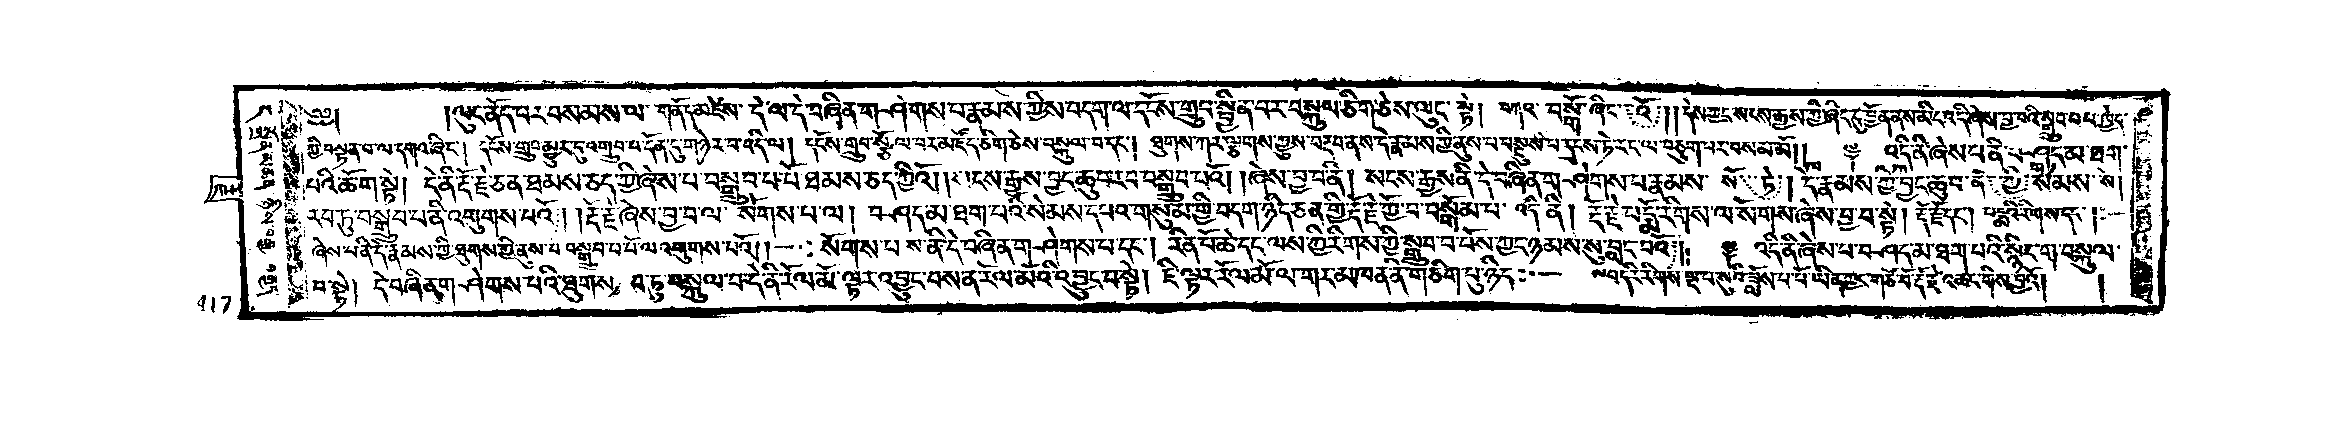༄༅། །ལུང་ནོད་པར་བསམས་ལ་གནོད་མཛེས་དེ་ལ་དེ་བཞིན་གཤེགས་པ་རྣམས་ཀྱིས་བདག་ལ་དངོས་གྲུབ་སྦྱིན་པར་བསྐུལ་ཅིག་ཅེས་ལུང་སྟེ། བཀའ་བསྒོ་ཞིང་འོ། །དེས་ཀྱང་སངས་རྒྱས་ཀྱི་ཞིང་དུ་བྱོན་ནས་མིང་འདི་ཞེས་བྱ་བའི་སྒྲུབ་པ་པོ་ཁྱེད་
ཀྱི་བསྟན་པ་ལ་དགའ་ཞིང་། དངོས་གྲུབ་མྱུར་དུ་འགྲུབ་པ་དོན་དུ་གཉེར་བ་འདི་ལ། དངོས་གྲུབ་སྩོལ་བར་མཛོད་ཅིག་ཅེས་བསྐུལ་བ་དང་། ཐུགས་ཀར་ལྕགས་ཀྱུས་བརྡབ་ནས་དེ་རྣམས་ཀྱི་ནུས་པ་བསྡུས་པ་དྲངས་ཏེ་རང་ལ་བཅུག་པར་བསམ་མོ།། ༈ འདི་ནི་ཞེས་པ་ནི་བཤད་མ་ཐག་
པའི་ཆོ་ག་སྟེ། དེ་ནི་རྡོ་རྗེ་ཅན་ཐམས་ཅད་ཀྱི་ཞེས་པ་བསྒྲུབ་པ་པོ་ཐམས་ཅད་ཀྱིའོ། །སངས་རྒྱས་བྱང་ཆུབ་རབ་བསྒྲུབ་པའོ། །ཞེས་བྱ་བ་ནི། སངས་རྒྱས་ནི་དེ་བཞིན་གཤེགས་པ་རྣམས་སོ་ཏེ། ཁ་དེ་རྣམས་ཀྱི་ཀ་བྱང་ཆུབ་ནི་ཀྱི་ག་སེམས་སོ།
རབ་ཏུ་བསྒྲུབ་པ་ནི་འགུགས་པའོ། །རྡོ་རྗེ་ཞེས་བྱ་བ་ལ་སོགས་པ་ལ། བཤད་མ་ཐག་པའི་སེམས་དཔའ་གསུམ་གྱི་བདག་ཉིད་ཅན་གྱི་རྡོ་རྗེ་ཀྱོ་བ་བསྒོམ་པ་འདི་ནི། རྡོ་རྗེ་པདམོ་རིགས་ལ་སོགས་ཞེས་བྱ་བ་སྟེ། རྡོ་རྗེ་དང་། པདམའི་རིགས་དང་། H.
ཞེས་པ་ནི་དེ་རྣམས་ཀྱི་ཐུགས་ཀྱི་ནུས་པ་བསྒྲུབ་པ་པོ་ལ་འགུགས་པའོ།། .H སོགས་པས་ནི་དེ་བཞིན་གཤེགས་པ་དང་། རིན་པོ་ཆེ་དང་ལས་ཀྱི་རིགས་ཀྱི་སྒྲུབ་པ་པོས་ཀྱང་ཉམས་སུ་བླང་བའོ།། ༈ འདི་ནི་ཞེས་པ་བཤད་མ་ཐག་པའི་སྙིང་ག་བསྐུལ་
བ་སྟེ། དེ་བཞིན་གཤེགས་པའི་ཐུགས་རབ་ཏུ་བསྐུལ་བ་དེ་ནི་རོལ་མོ་ལྟར་འབྱུང་བས་ན་རོལ་མོའི་འབྱུང་བ་སྟེ། ཇི་ལྟར་རོལ་མོ་ལ་གར་མཁན་ནི་གཅིག་པུ་ཉིད་H.་༧འདིར་རིགས་ལྔ་པ་སུའི་ཟློས་པ་པོ་ཡིན་ཀྱང་གཙོ་བོ་རྡོ་རྗེ་འཆང་གིས་བྱའོ། །